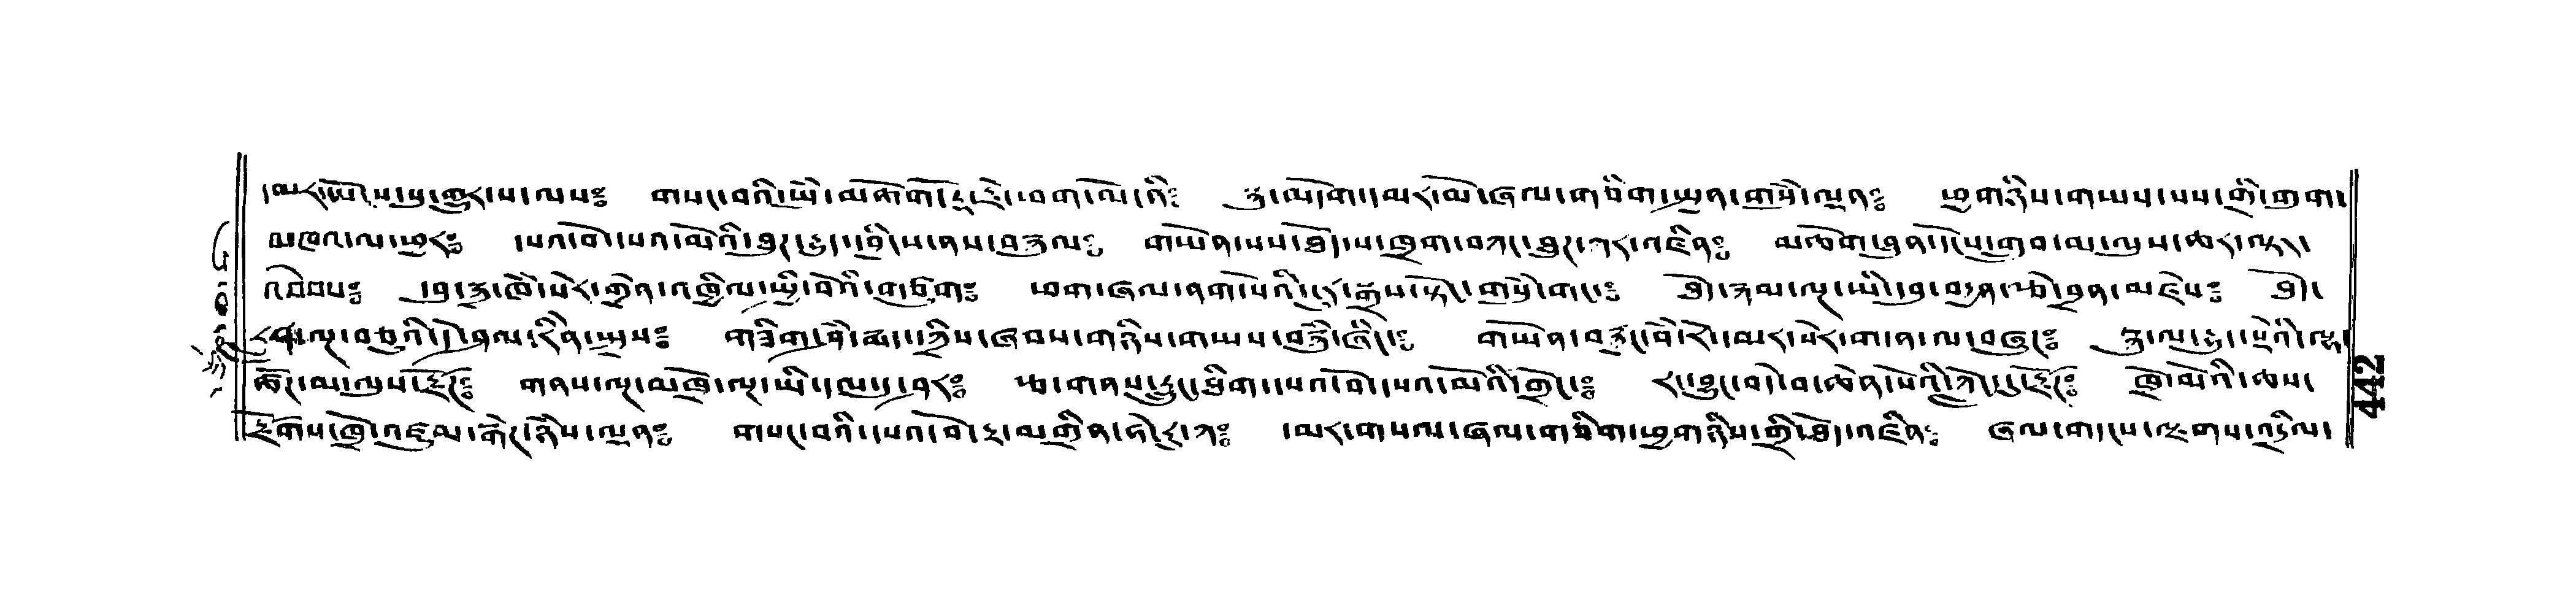དམར་ཡོངས་སུ་གྱུར་པ་ལས༔ གསང་བའི་ཡུམ་མཆོག་རྡོ་རྗེ་ཕག་མོ་ནི༔ སྐུ་མདོག་དམར་མོ་ཞལ་གཅིག་སྤྱན་གསུམ་ལྡན༔ ཕྱག་གཉིས་གཡས་པས་གྲི་གུག་
མཁའ་ལ་ཕྱར༔ དཔའ་བོ་དཔའ་མོའི་ཐུགས་རྒྱུད་དབྱིངས་ནས་བསྐུལ༔ གཡོན་པས་ཐོད་པ་ཁྲག་བཀང་ཐུགས་ཀར་འཛིན༔ མཆོག་ཐུན་དངོས་གྲུབ་མ་ལུས་ཆར་ལྟར་
འབེབས༔ དབུ་སྐྲ་ཁམ་སེར་གྱེན་འཁྱིལ་སྤྱི་བོའི་གཙུག༔ཕག་ཞལ་ནག་པོའི་ངུར་སྒྲས་སྟོང་གསུམ་གང༔ ཐོད་སྐམ་ལྔ་ཡི་དབུ་བརྒྱན་རྩེ་བྲན་མཛེས༔ ཐོད་
རློན་ལྔ་བཅུའི་དོ་ཤལ་རིན་ཆེན་སྤྲས༔ གཟིག་ཤམ་སྨད་དཀྲིས་ཞབས་གཉིས་གཡས་བསྐུམས་ཤིང༔ གཡོན་བརྐྱངས་བཾ་རོ་དམར་སེར་གདན་ལ་བཞུགས༔ སྐུ་ལ་རྒྱུད་སྡེའི་ལྷ་
ཚོགས་མ་ལུས་རྫོགས༔ གནས་ལྔ་མཁའ་འགྲོ་ལྔ་ཡི་དལ་དུ་ཤར༔ རྩ་གནས་རླུང་ཐིག་དཔའ་བོ་དཔའ་མོའི་གྲོང༔ རང་བྱུང་བདེ་བ་ཆེན་པོའི་ཀློང་དུ་རྫོགས༔ ཁྲོ་མོའི་ཆས་
རྫོགས་ཁྲོ་འཛུམ་སྒེག་ཉམས་ལྡན༔ གསང་བའི་དཔའ་བོ་རྟ་མགྲིན་ཧེ་རུ་ཀ༔ དམར་གསལ་ཞལ་གཅིག་ཕྱག་གཉིས་གྲི་ཐོད་འཛིན༔ ཞལ་གདངས་ལྗགས་འདྲིལ་